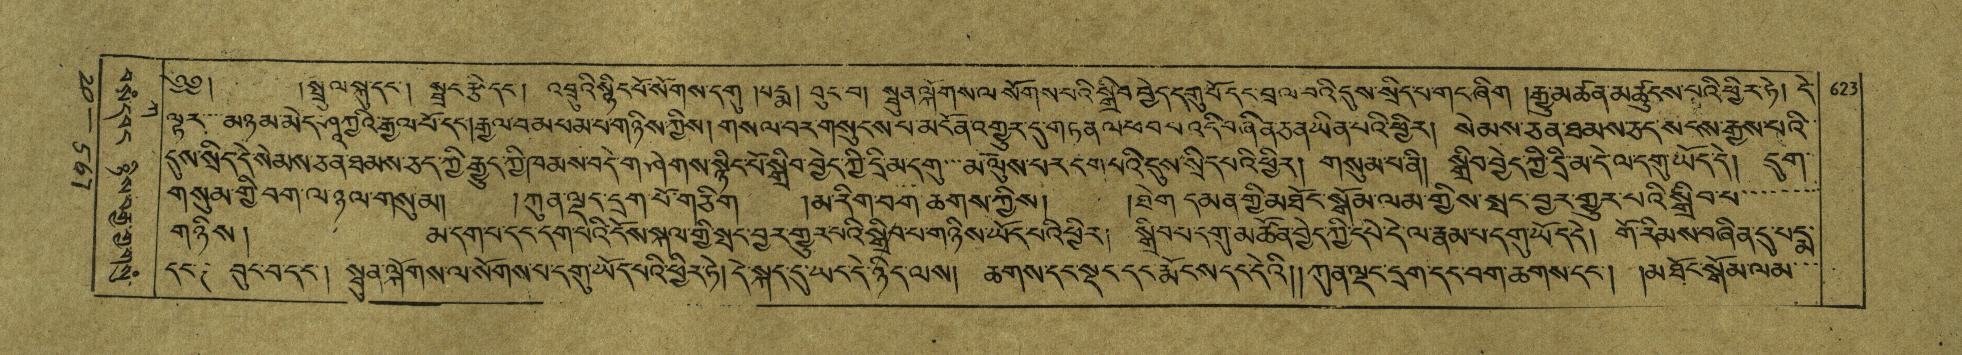༄༅། །སྤྲུལ་སྐུ་དང་། སྦྲང་རྩི་དང་། འབྲུའི་སྙིང་པོ་སོགས་དགུ །པདམ། བུང་བ། སྦུན་ལྐོགས་ལ་སོགས་པའི་སྒྲིབ་བྱེད་དགུ་པོ་དང་བྲལ་བའི་དུས་སྲིད་པ་གང་ཞིག །རྒྱུ་མཚན་མཚུངས་པའི་ཕྱིར་ཏེ། དེ་
ལྟར་མཉམ་མེད་ཤཱཀྱའི་རྒྱལ་པོ་དང་། རྒྱལ་བ་མ་ཕམ་པ་གཉིས་ཀྱིས། གསལ་བར་གསུངས་པ་མངོན་འགྱུར་དུ་གཏན་ལ་ཕབ་པ་འདི་བཞིན་ཅན་ཡིན་པའི་ཕྱིར། སེམས་ཅན་ཐམས་ཅད་སངས་རྒྱས་པའི་
དུས་སྲིད་དེ་སེམས་ཅན་ཐམས་ཅད་ཀྱི་རྒྱུད་ཀྱི་ཁམས་བདེ་གཤེགས་སྙིང་པོ་སྒྲིབ་བྱེད་ཀྱི་དྲི་མ་དགུ་མ་ལུས་པར་དག་པའི་དུས་སྲིད་པའི་ཕྱིར། གསུམ་པ་ནི། སྒྲིབ་བྱེད་ཀྱི་དྲི་མ་དེ་ལ་དགུ་ཡོད་དེ། དུག་
གསུམ་གྱི་བག་ལ་ཉལ་གསུམ། །ཀུན་ལྡང་དྲག་པོ་གཅིག །མ་རིག་བག་ཆགས་ཀྱིས། །ཐེག་དམན་གྱི་མཐོང་སྒོམ་ལམ་གྱིས་སྤང་བྱར་གྱུར་པའི་སྒྲིབ་པ་
གཉིས། མ་དག་པ་དང་དག་པའི་ངོས་སྐལ་གྱི་སྤང་བྱར་གྱུར་པའི་སྒྲིབ་པ་གཉིས་ཡོད་པའི་ཕྱིར། སྒྲིབ་པ་དགུ་མཚོན་བྱེད་ཀྱི་དཔེ་དེ་ལ་རྣམ་པ་དགུ་ཡོད་དེ། གོ་རིམས་བཞིན་དུ་པདམ་
དང༑ བུང་བ་དང་། སྦུན་ལྐོགས་ལ་སོགས་པ་དགུ་ཡོད་པའི་ཕྱིར་ཏེ། དེ་སྐད་དུ་ཡང་དེ་ཉིད་ལས། ཆགས་དང་སྡང་དང་རྨོངས་དང་དེའི། །ཀུན་ལྡང་དྲག་དང་བག་ཆགས་དང་། །མཐོང་སྒོམ་ལམ་